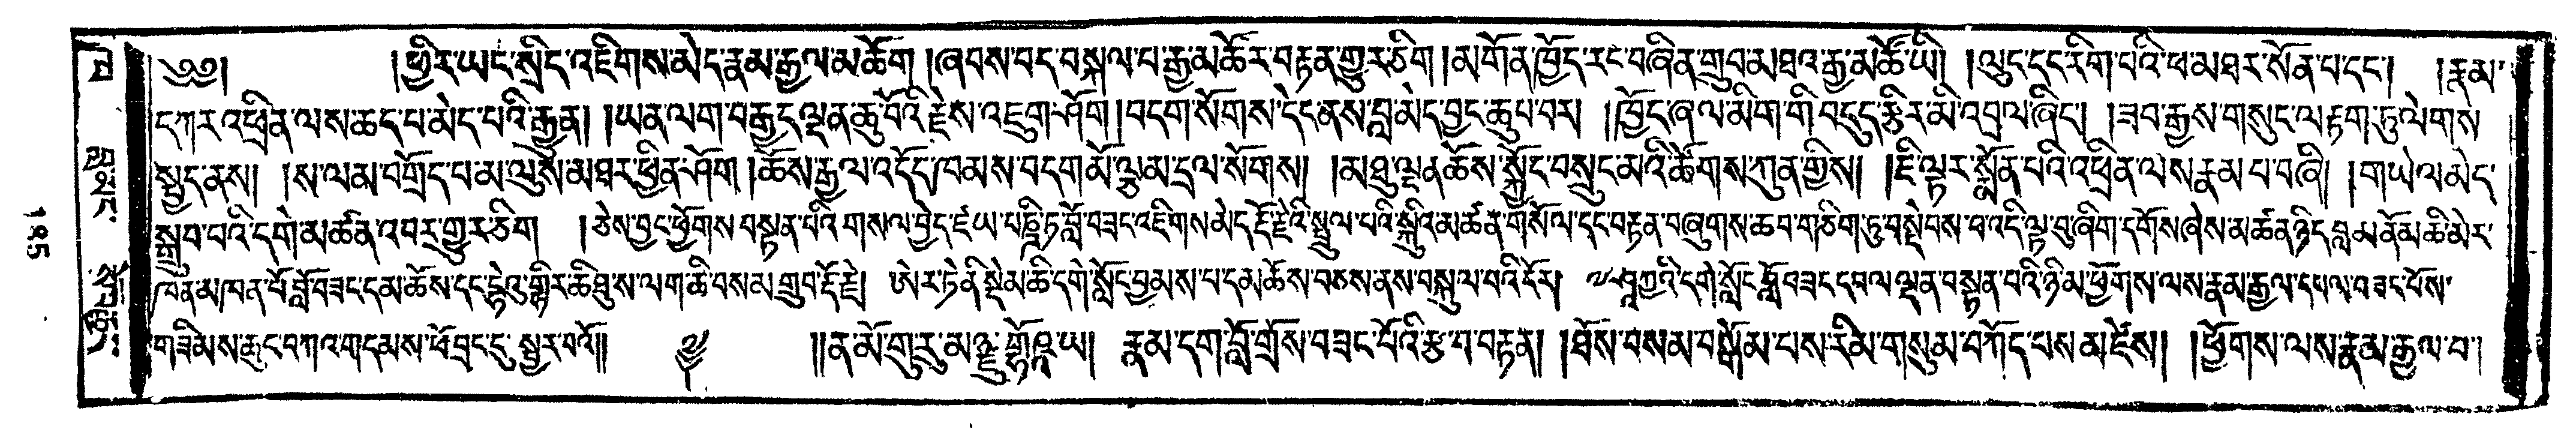༄༅། །ཕྱིར་ཡང་སྲིད་འཇིགས་མེད་རྣམ་རྒྱལ་མཆོག །ཞབས་པད་བསྐལ་བ་རྒྱ་མཚོར་བརྟན་གྱུར་ཅིག །མགོན་ཁྱོད་རང་བཞིན་གྲུབ་མཐའ་རྒྱ་མཚོ་ཡི། །ལུང་དང་རིག་པའི་ཕ་མཐར་སོན་པ་དང་། །རྣམ་
དཀར་འཕྲིན་ལས་ཆད་པ་མེད་པའི་རྒྱུན། །ཡན་ལག་བརྒྱད་ལྡན་ཆུ་བོའི་རྗེས་འཇུག་ཤོག །བདག་སོགས་དེང་ནས་བླ་མེད་བྱང་ཆུབ་བར། །ཁྱོད་ཞལ་མིག་གི་བདུད་རྩིར་མི་འབྲལ་ཞིང་། །ཟབ་རྒྱས་གསུང་ལ་རྟག་ཏུ་ལེགས་
སྤྱད་ནས། །ས་ལམ་བགྲོད་པ་མ་ལུས་མཐར་ཕྱིན་ཤོག །ཆོས་རྒྱལ་འདོད་ཁམས་བདག་མོ་ལྕམ་དྲལ་སོགས། །མཐུ་ལྡན་ཆོས་སྐྱོང་བསྲུང་མའི་ཚོགས་ཀུན་གྱིས། །ཇི་ལྟར་སྨོན་པའི་འཕྲིན་ལས་རྣམ་པ་བཞི། །གཡེལ་མེད་
སྒྲུབ་པའི་དགེ་མཚན་འབར་གྱུར་ཅིག །ཅེས་བྱང་ཕྱོགས་བསྟན་པའི་གསལ་བྱེད་ཛ་ཡ་པཎྜི་ཏ་བློ་བཟང་འཇིགས་མེད་རྡོ་རྗེའི་སྤྲུལ་པའི་སྐུའི་མཚན་གསོལ་དང་བརྟན་བཞུགས་ཆབ་གཅིག་ཏུ་བསྡེབས་ཕ་འདི་ལྟ་བུ་ཞིག་དགོས་ཞེས་མཚན་ཉིད་བླ་མ་ནོ་མ་ཆི་མེད་
ཁན་མཁན་པོ་བློ་བཟང་དམ་ཆོས་དང་དྷེའུ་གྷིར་ཆི་ཐུ་ས་ལག་ཆི་བསམ་གྲུབ་རྡོ་རྗེ། ཨེར་ཏེ་ནི་སྡེམ་ཆི་དགེ་སློང་བྱམས་པ་དམ་ཆོས་བཅས་ནས་བསྐུལ་བའི་ངོར། ༧་ཤཱཀྱའི་དགེ་སློང་བློ་བཟང་དཔལ་ལྡན་བསྟན་པའི་ཉི་མ་ཕྱོགས་ལས་རྣམ་རྒྱལ་དཔལ་བཟང་པོས་
གཟིམས་ཆུང་བཀའ་གདམས་ཕོ་བྲང་དུ་སྦྱར་བའོ།། ༈ །།ན་མོ་གུ་རུ་མཉྫུ་གྷོ་ཥཱ་ཡ། རྣམ་དག་བློ་གྲོས་བཟང་པོའི་རྩ་བ་བརྟན། །ཐོས་བསམ་བསྒོམ་པས་རིམ་གསུམ་བཀོད་པས་མཛེས། །ཕྱོགས་ལས་རྣམ་རྒྱལ་བ།